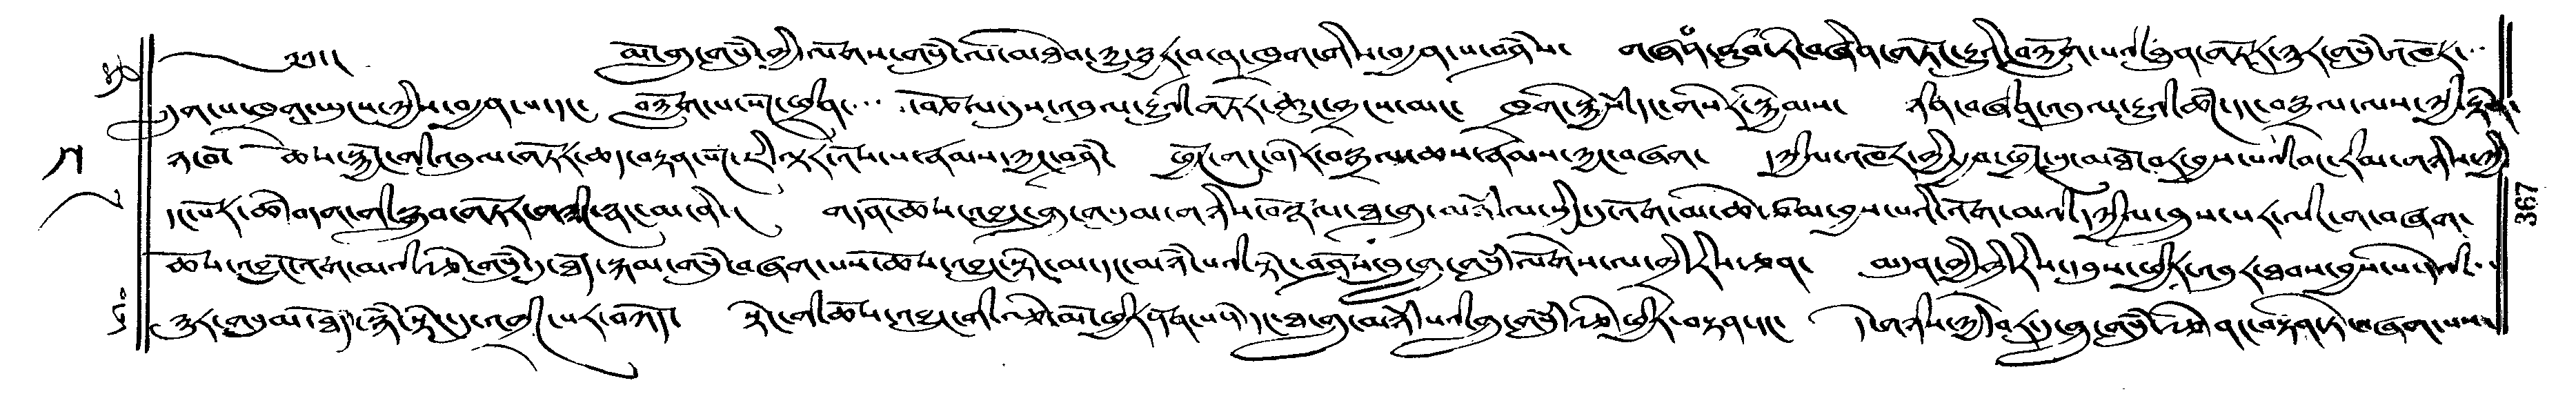མོ་གྲུ་གསུམ་གྱི་ལོགས་གསུམ་ལ་མཐེབ་སྐྱུ་སྦྱར་བ་ཤ་ཁྲག་གིས་བརྒྱན་པ་བཤམ། གཞན་ཡང་ནུབ་རེ་བཞིན་གཏོང་རྒྱུའི་བཟློག་པའི་ཐུན་གཏོར་ཟུར་གསུམ་འཁོར་
དྲུག་པ་ཁྲག་ཡུངས་ཀྱིས་བརྒྱན་པ་དང་། བཟློག་པ་སོགས་ཕྲིན་ལས་བཅོལ་དུས་འབུལ་རྒྱུའི་གཏོར་ཆུང་གྲངས་མང་། ཁྲག་སྐྱེམས་དང་གསེར་སྐྱེམས། ཉིན་བཞིན་འབུལ་རྒྱུའི་ཚོགས་དང་བསྒྲལ་ལས་ཀྱི་རྟེན་
ཉ་བོ། ཆོས་སྐྱོང་གི་འབུལ་གཏོར་ཆད་བརྟན་སོགས་ཇི་ལྟར་འོས་པ་རྣམས་ཀྱང་བཤམ། ཕྱོགས་གང་བདེར་བསྒྲལ་ཆས་རྣམས་ཀྱང་གཞག དཀྱིལ་འཁོར་གྱི་རྒྱབ་ཕྱོགས་སུ་མཐོ་བར་བྱས་པའི་བང་རིམ་གཉིས་ཀྱི་
དང་པོར་ཚེ་བདག་གི་སྒྲུབ་གཏོར་གཟིགས་སྣང་མ་ནི། གདན་ཆོས་འབྱུང་གྲུ་གསུམ་གཉིས་བསྣོལ་ཐ་གྲུ་མཉམ་ལ་སྲིད་དུ་འོག་མ་ཆེ་ཙམ་བྱས་པའི་འོག་མའི་དཀྱིལ་བྲུས་པར་ལིང་ག་བཞག 
ཆོས་འབྱུང་འོག་མའི་རྩེ་གསུམ་དུ་ཐོད་སྐམ་གསུམ་བཞག་པས་ཆོས་འབྱུང་སྟེང་མ་དང་མཉམ་པའི་སྟེང་བཤོས་བུ་གྲུ་གསུམ་ལོགས་ལ་གྲི་རིས་ཅན། མདུན་གྱི་གྲི་རིས་དབུས་ཕྱིར་འབུར་ཐབས་བྱས་པ་དེའི་
ཟུར་གསུམ་ཐོད་སྐམ་སྟེང་དུ་འགྲིགས་པར་དགོད།སྟེང་གི་ཆོས་འབྱུང་གི་རྩེ་མོ་ཕྱིར་ཐོན་པ་དེ་དང་ཐ་གྲུ་མཉམ་པའི་གྲུ་གསུམ་རྩེ་ཕྱིར་བསྟན་དང་། དེ་གཉིས་ཀྱི་བར་དུ་གྲུ་གསུམ་རྩེ་ནང་བསྟན་ཏེ་བཞག་པས་